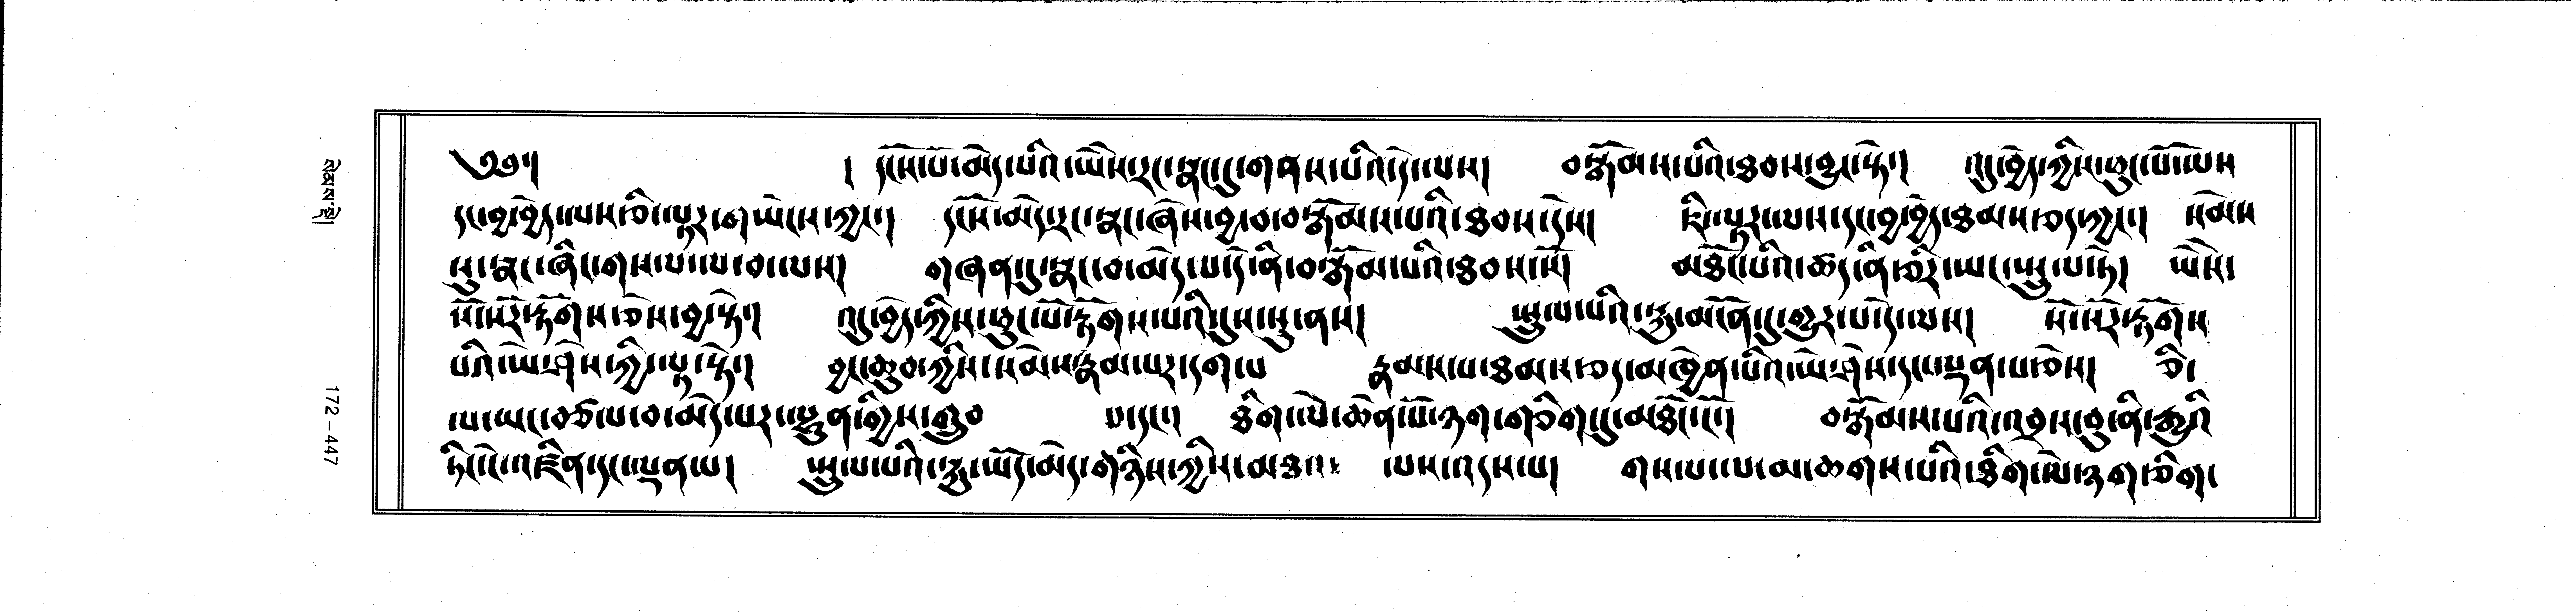དངོས་པོ་མེད་པའི་ཡེ་ཤེས་རང་སྣང་དུ་གནས་པའི་དེ་ལས། བསྒོམས་པའི་ཐབས་བྱུང་སྟེ། འདུ་བྱེད་ཀྱིས་ཕུང་པོ་ལས་
དང་བྱ་བྱེད་ལས་ཅི་ལྟར་གཡེངས་ཀྱང་། དངོས་མེད་རང་སྣང་ཞེས་བྱ་བ་བསྒོམས་པའི་ཐབས་དེས། ཇི་ལྟར་ལས་དང་བྱ་བྱེད་ཐམས་ཅད་ཀྱང་། སེམས་
སུ་སྣང་ཞིང་གསལ་བ་ལས། གཞན་དུ་སྣང་བ་མེད་པ་དེ་ནི་བསྒོམ་པའི་ཐབས་སོ། མཐོང་པའི་ཚད་ནི་ཅིར་ཡང་སྤྲུལ་ཏེ། ཡེ་ཤེས་
སོ་སོར་རྟོགས་ཅེས་བྱ་སྟེ། འདུ་བྱེད་ཀྱིས་ཕུང་པོ་རྟོགས་པའི་དུས་སུ་ནས། སྤྲུལ་པའི་སྐུ་མངོན་དུ་གྱུར་པ་དེ་ལས། སོ་སོར་རྟོགས་
པའི་ཡེ་ཤེས་ཀྱི་ལྟ་སྟེ། བྱང་ཆུབ་ཀྱིས་སེམས་རྣམ་པར་དག་པ་རྣམ་པ་ཐམས་ཅད་མཁྱེན་པའི་ཡེ་ཤེས་དང་ལྡན་པ་ཅེས། ཅི་
ལ་ཡང་བཙལ་བ་མེད་པར་ལྷུན་གྱིས་གྲུབ་པ་དང་། ཐིག་ལེ་ཆེན་པོ་ཉག་གཅིག་དུ་མཐོང་ངོ་། བསྒོམས་པའི་འབྲས་བུ་ནི་རྒྱུའི་
ཏིང་ངེ་འཛིན་དང་ལྡན་པ། སྤྲུལ་པའི་སྐུ་ཡོད་མེད་གཉིས་ཀྱིས་མཐའ་ལས་འདས་པ། གསལ་ལ་མ་ཆགས་པའི་ཐིག་ལེ་ཉག་ཅིག་